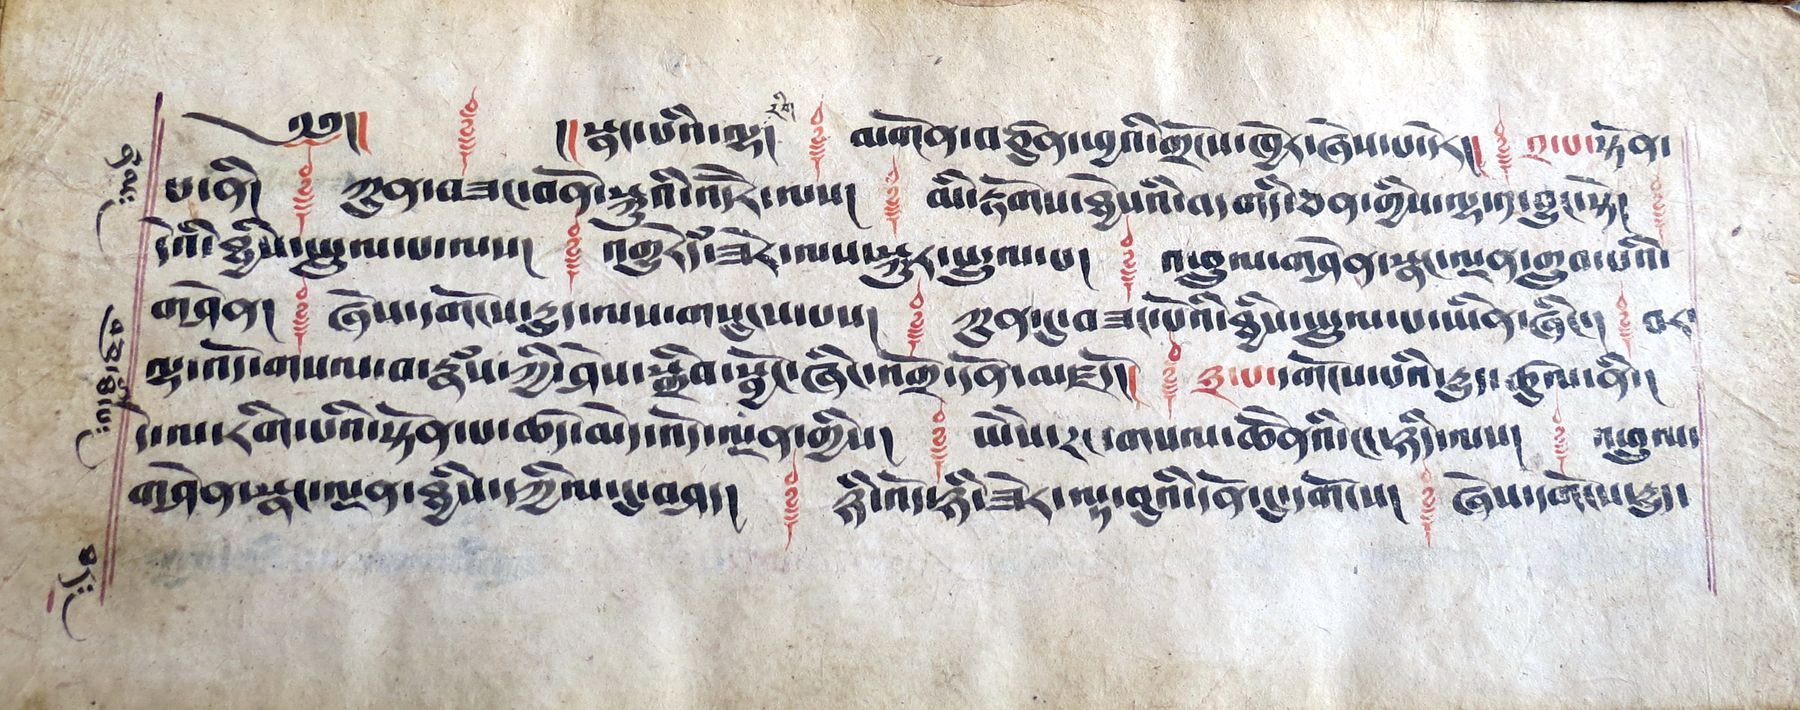སྣང་བའི་ལྷ། མགོན་བཙུན་ཕྱྭའི་གྲོང་ཁྱེར་ཞེས་པ་དེར། གཉིས་པ་སྟོན་
པ་ནི། ཀུན་བཟང་བོན་སྐུའི་འོད་ཟེར་ལས། མི་རྟོག་ཐུགས་རྗེའི་བདག་ཉིད་ཅན་གྱི་ལྷ་ཞིག་ཕྱུང་སྟེ། 
དེའི་ཐུགས་ཀྱི་སྤྲུལ་པ་ལས། འགྱུར་མེད་ཟེར་ལས་སྐུར་སྤྲུལ་པ། འཕྲུལ་གཤེན་སྣང་ལྡན་གྲུབ་པའི་
གཤེན། ཞེས་དགོངས་རྒྱུད་ལས་གསུངས་པས། ཀུན་ཏུ་བཟང་པོའི་ཐུགས་ཀྱི་སྤྲུལ་པ་ཡིན་ཞིང་། བར་
ལྷ་འོད་གསལ་བ་རྣམས་ཀྱི་ཤེས་སྒྲིབ་པ་སྦྱོང་ཞིང་འགྲོ་དོན་མཛད་དོ། ། གསུམ་པ་དགོངས་པའི་བརྒྱུད་ཚུལ་ནི། 
དེ་ལ་རིག་པའི་སྟོན་པ་ཚད་མེད་འོད་ལྡན་གྱིས། ཡེ་ཤེས་འོད་གསལ་ཆེན་པོའི་ངང་ཉིད་ལས། འཕྲུལ་
གཤེན་སྣང་ལྡན་ཐུགས་ཀྱི་དཀྱིལ་དུ་བཤད། ཉི་འོད་ཉི་ཟེར་ལྟ་བུའི་དོན་དུ་དགོངས། ཞེས་དགོངས་རྒྱུད་